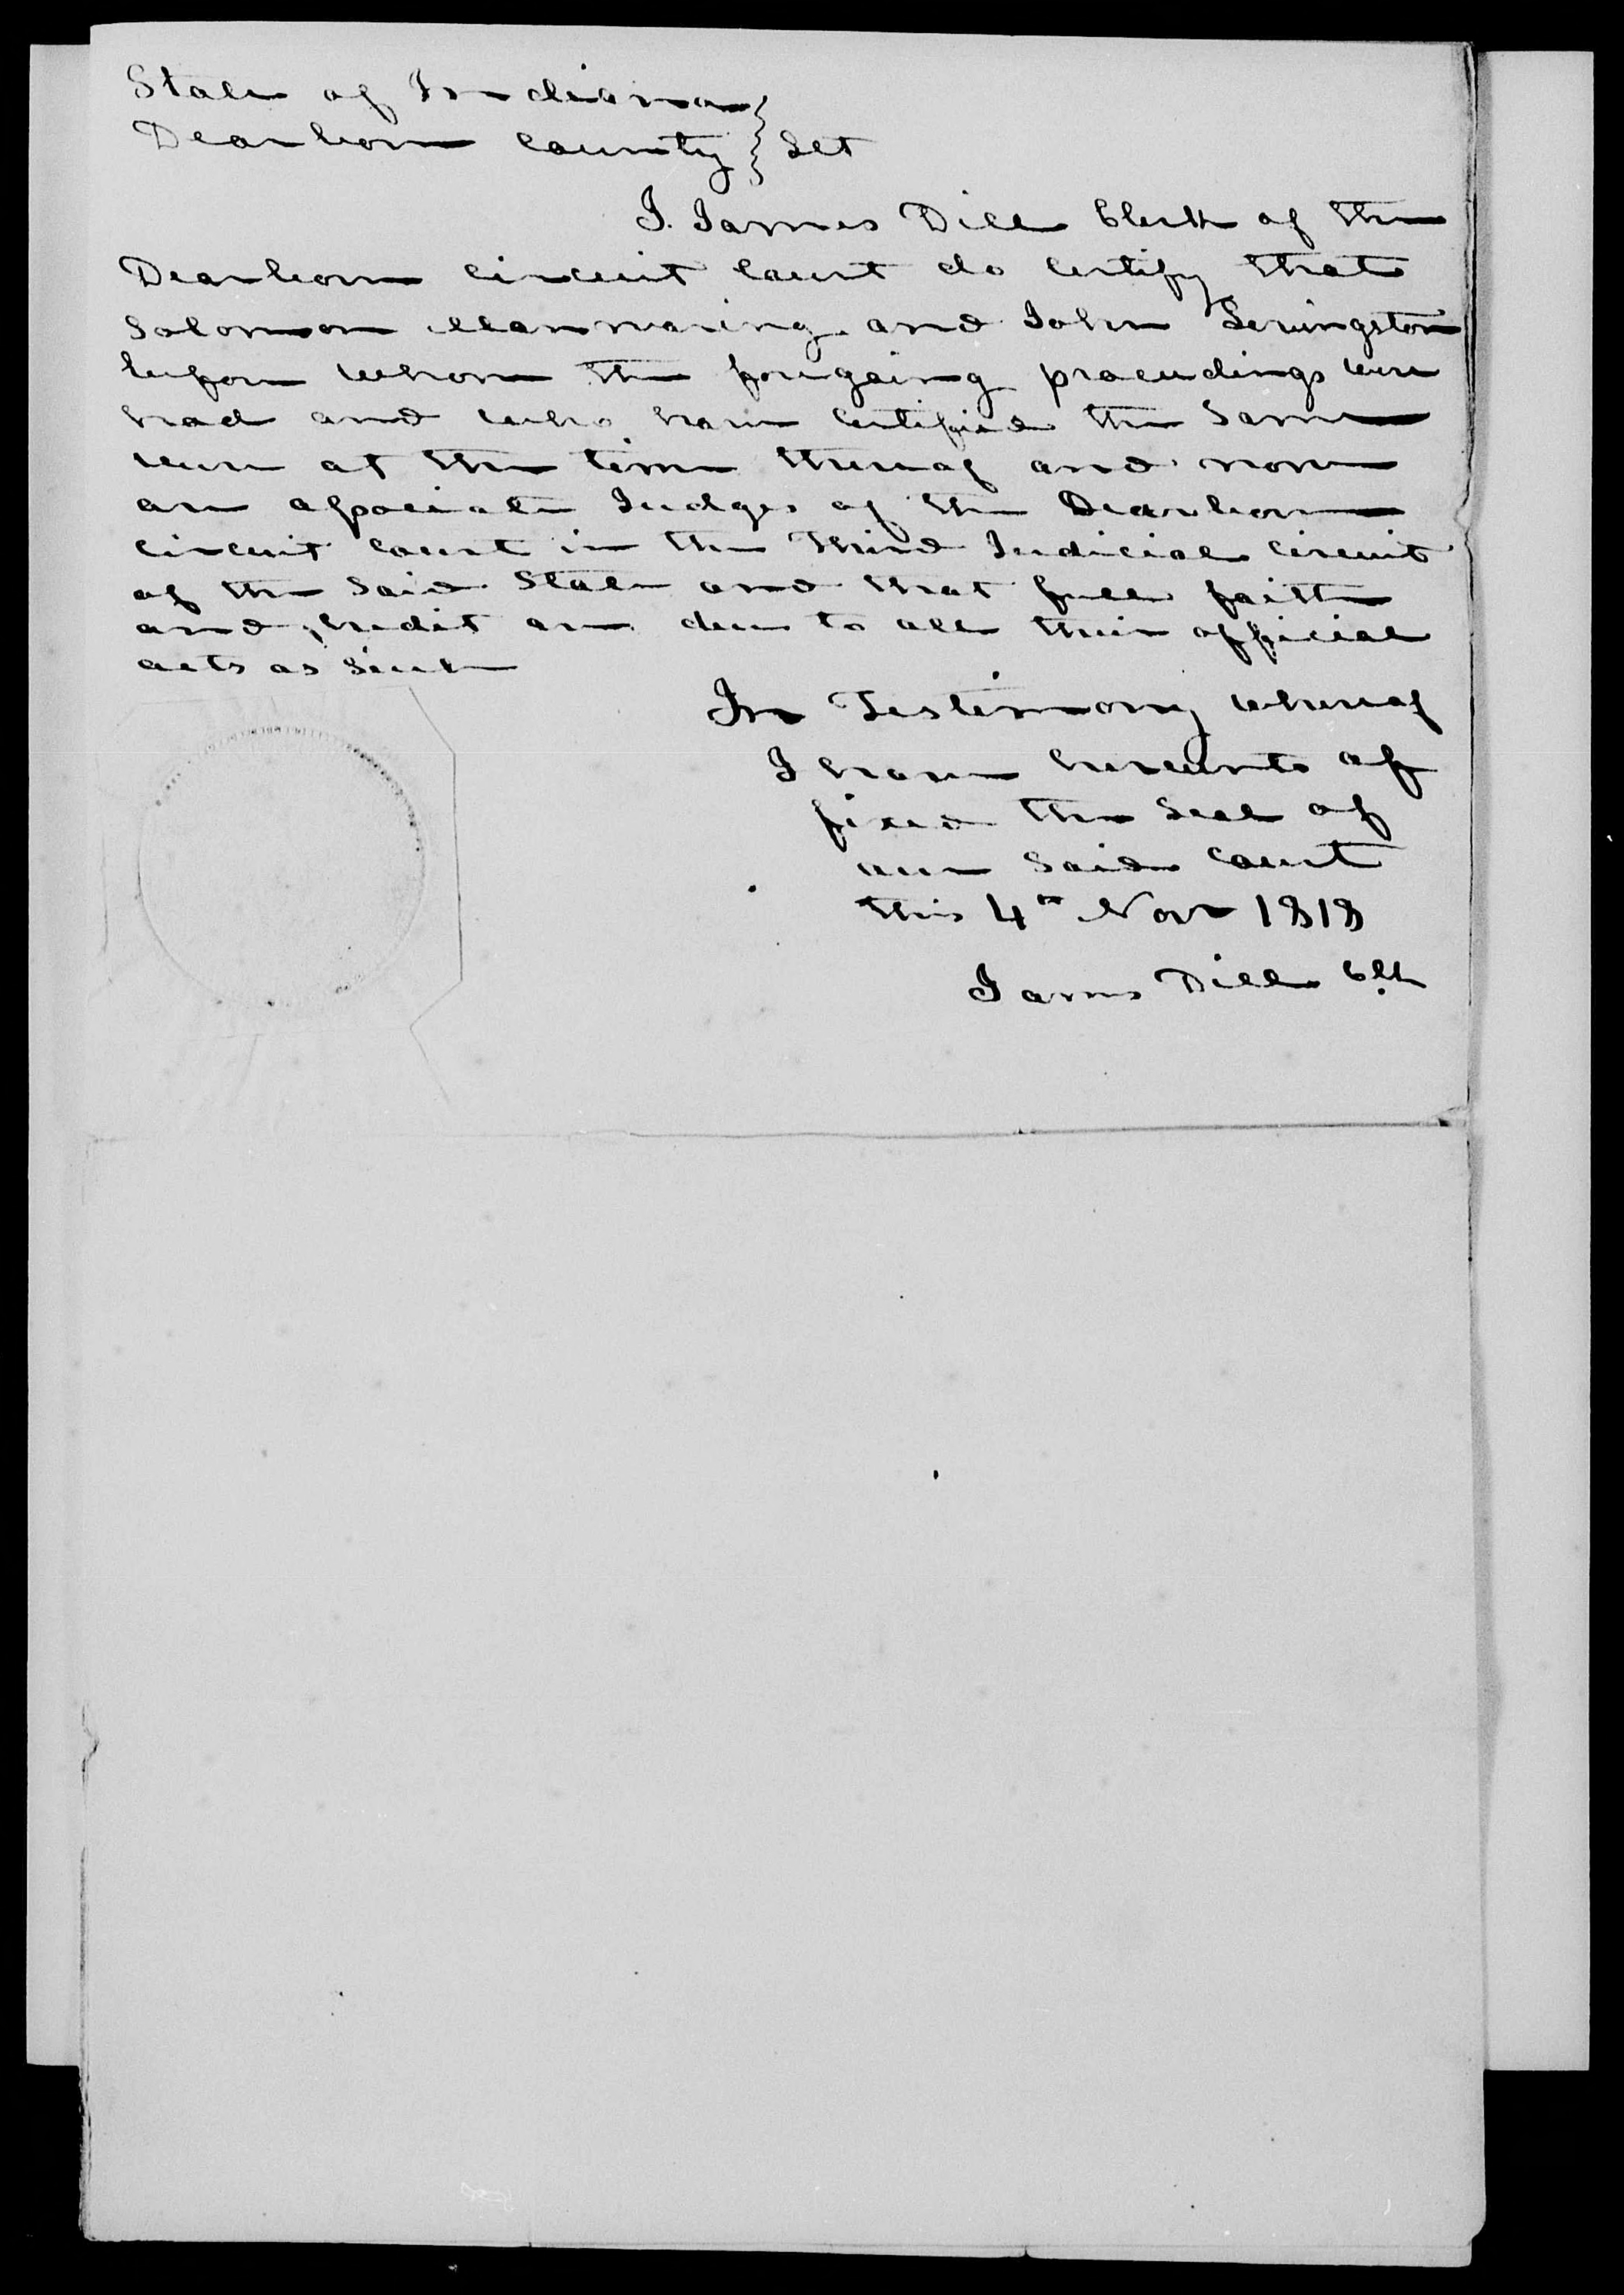State of Indiana
Dearborn County
set

I James Dice, clerk of the Dearborn circuit court do certify that Solomon Manwaring and John Livingston before whom this foregoing proceedings were had and who have certified the same were at this time thereof and now are appointed Judges of the Dearborn circuit court in the Third Judicial Circuit of this said state and that full faith and credit are due to all their official acts as such

In testimony whereof I have hereunto affixed the seal of our said court this 4th Nov. 1818
James Dill 6th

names: James Dill; Solomon Manwaring; John Livingston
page: 6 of 20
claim: survivor's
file: S. 36129, for Noah Miller, New Jersey